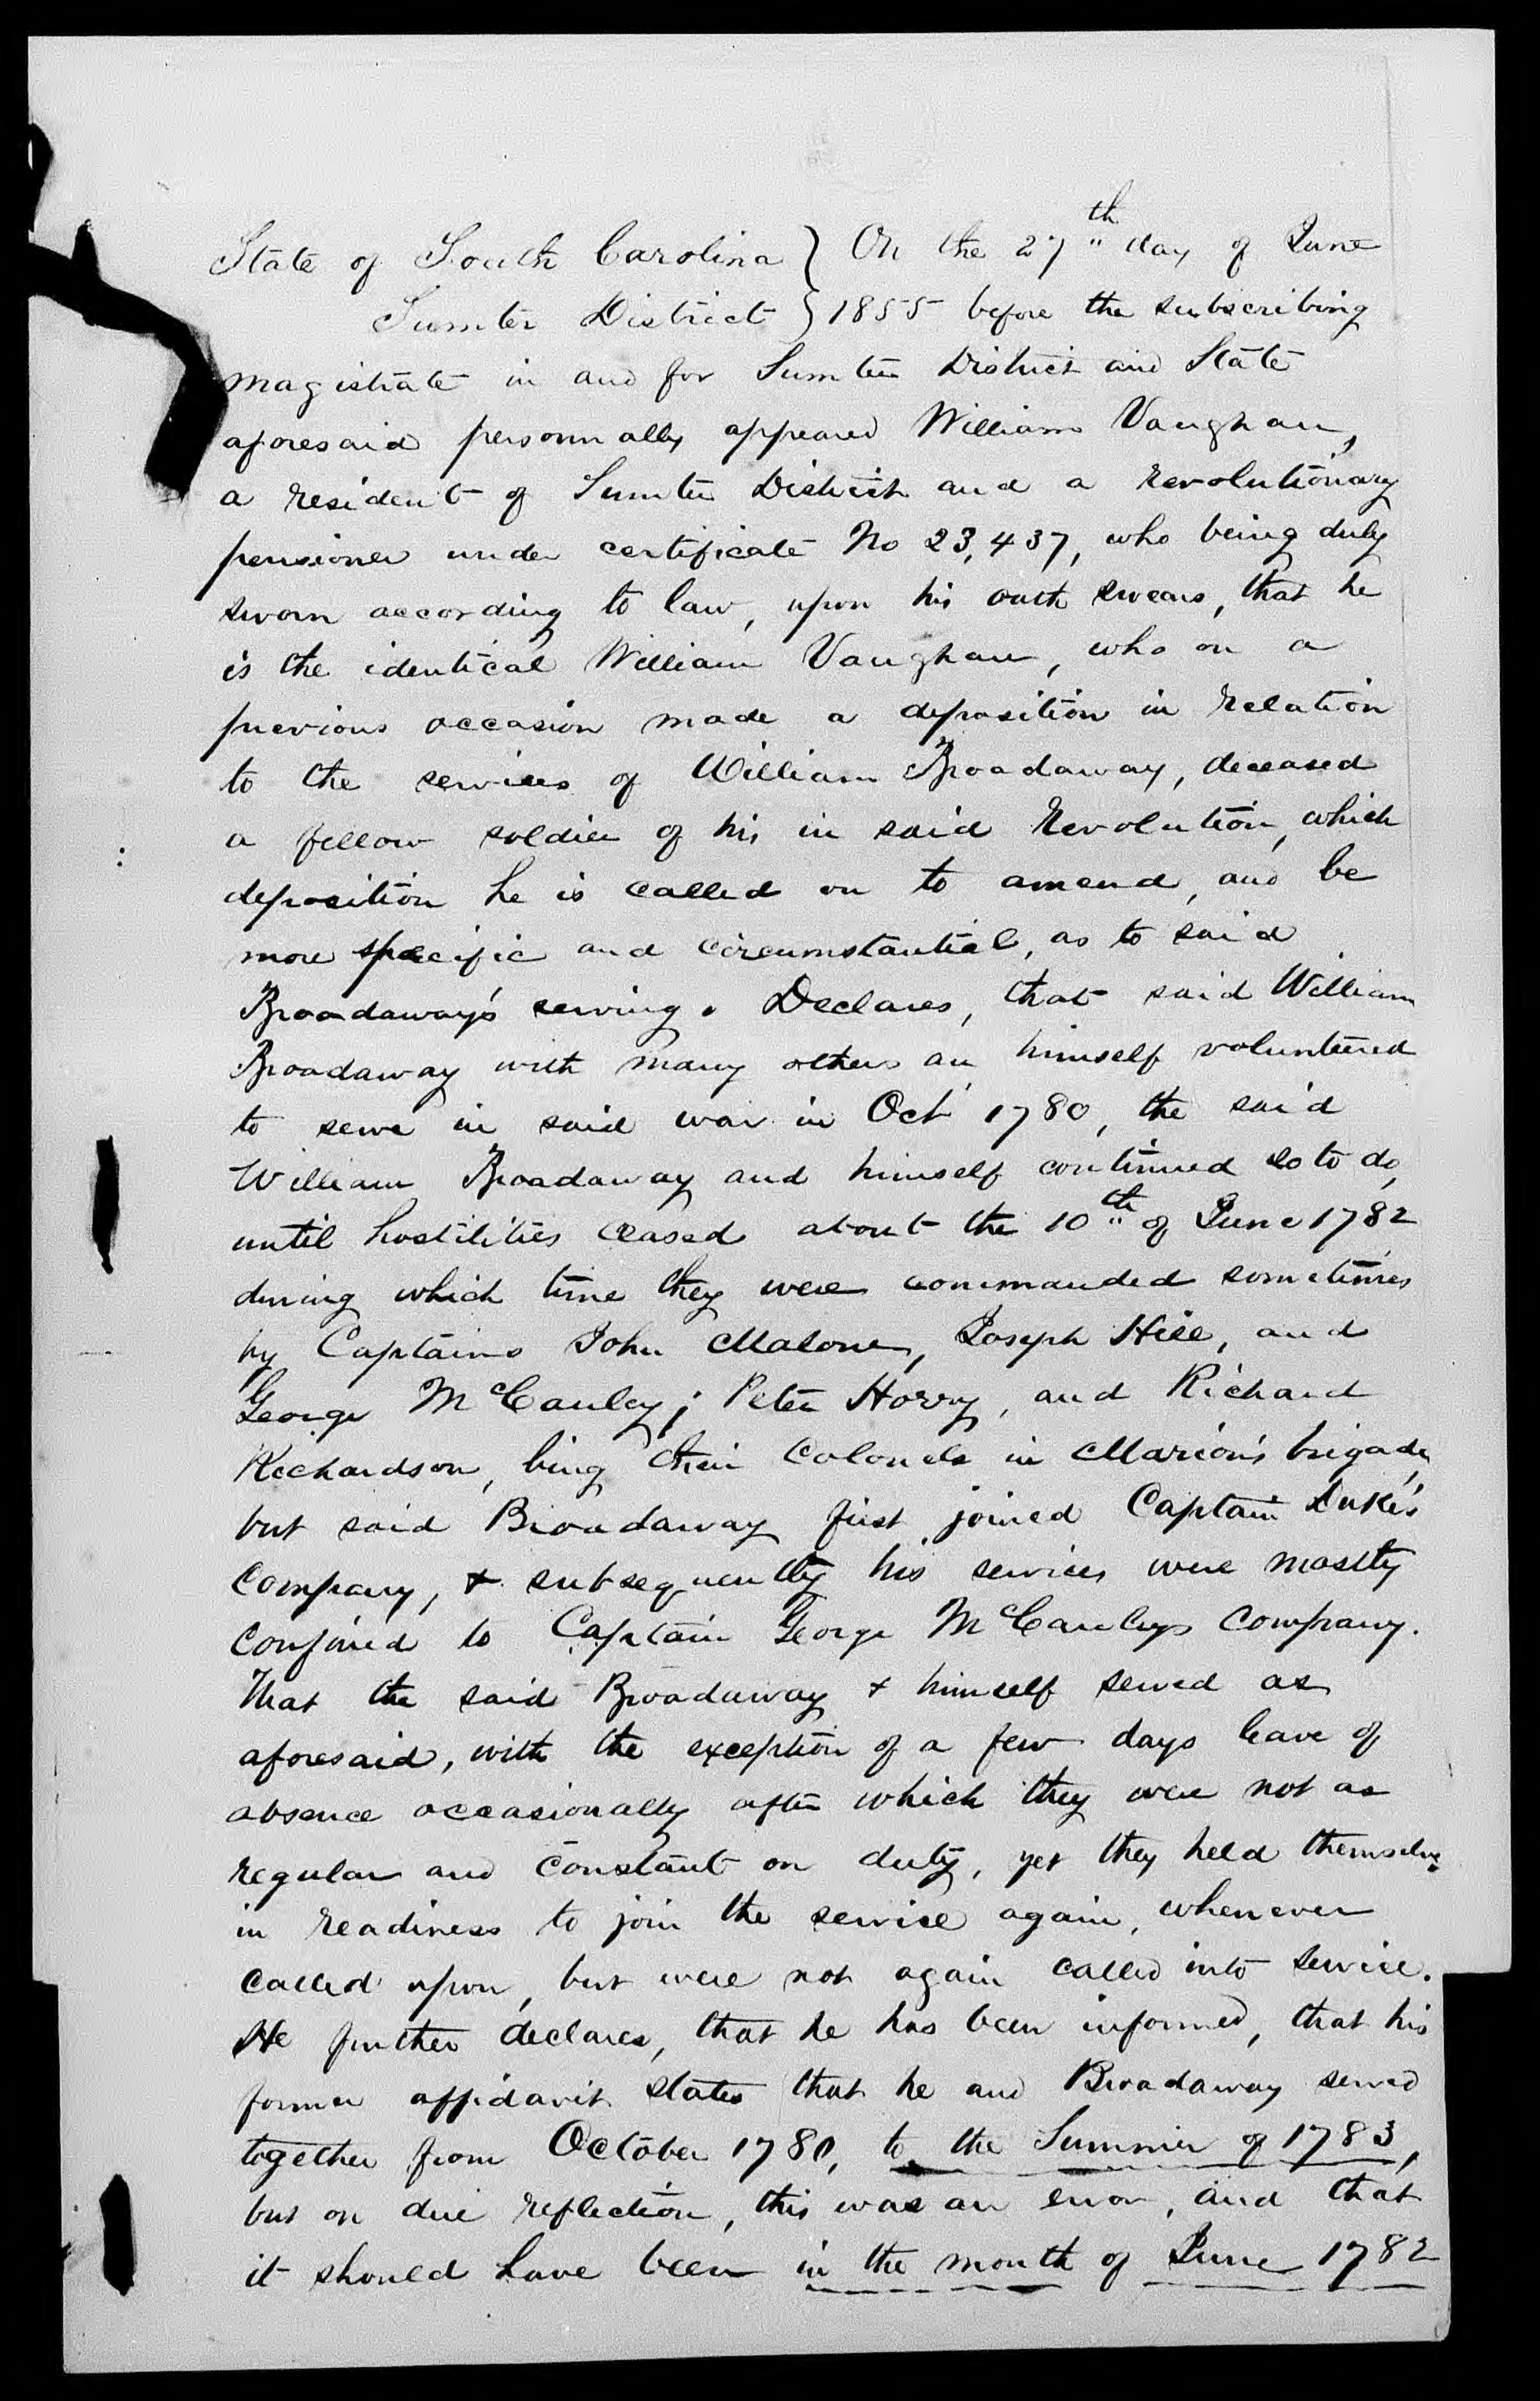State of South Carolina}
Sumter District} On the 27th day of June 1855 before the subscribing magistrate in and for Sumter District and State aforesaid personally appeared William Vaughan, a resident of Sumter District and a Revolutionary pensioner under certificate No 23437, who being duly sworn according to law, upon his oath swears, that he is the identical William Vaughan, who on a previous occasion made a deposition in relation to the services of William Broadaway, deceased a fellow soldier of his in said Revolution, which deposition he is called on to amend, and be more specific and circumstantial, as to said Broadaway's serving. Declares, that said William Broadaway with many others an himself volunteered to serve in said war in Oct 1780, the said William Broadaway and himself continued so to do, until hostilities ceased about the 10th day of June 1782 during which time they were commanded sometimes by Captains John Malone, Joseph Hill, and George McCauley; Peter Horry, and Richard Richardson, being their Colonels in Marion's brigade but said Broadaway first joined Captain Duke's company, + subsequently his services were mostly confined to Captain George McCauleys company. That the said Broadaway + himself served as aforesaid, with the exception of a few days leave of absence occasionally after which they were not as regular and constant on duty, yes they held themselves in readiness to join the service again, whenever called upon, but were not again called into service. He further declares, that he has been informed, that his former affidavit states that he and Broadaway served together from October 1780, to the Summer of 1783, but on due reflection, this was an error, and that it should have been in the month of June 1782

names: John Malone, Richard Richardson, Broadaway, Broadaway, William Vaughan, William Vaughan, George Mc Canley, Broadaway, Peter Horry, William Broadaway, William Broadaway, Broadaway, William Broadaway, Joseph Hill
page: 92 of 98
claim: widow's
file: W. 8398, William Broadway, S.C.